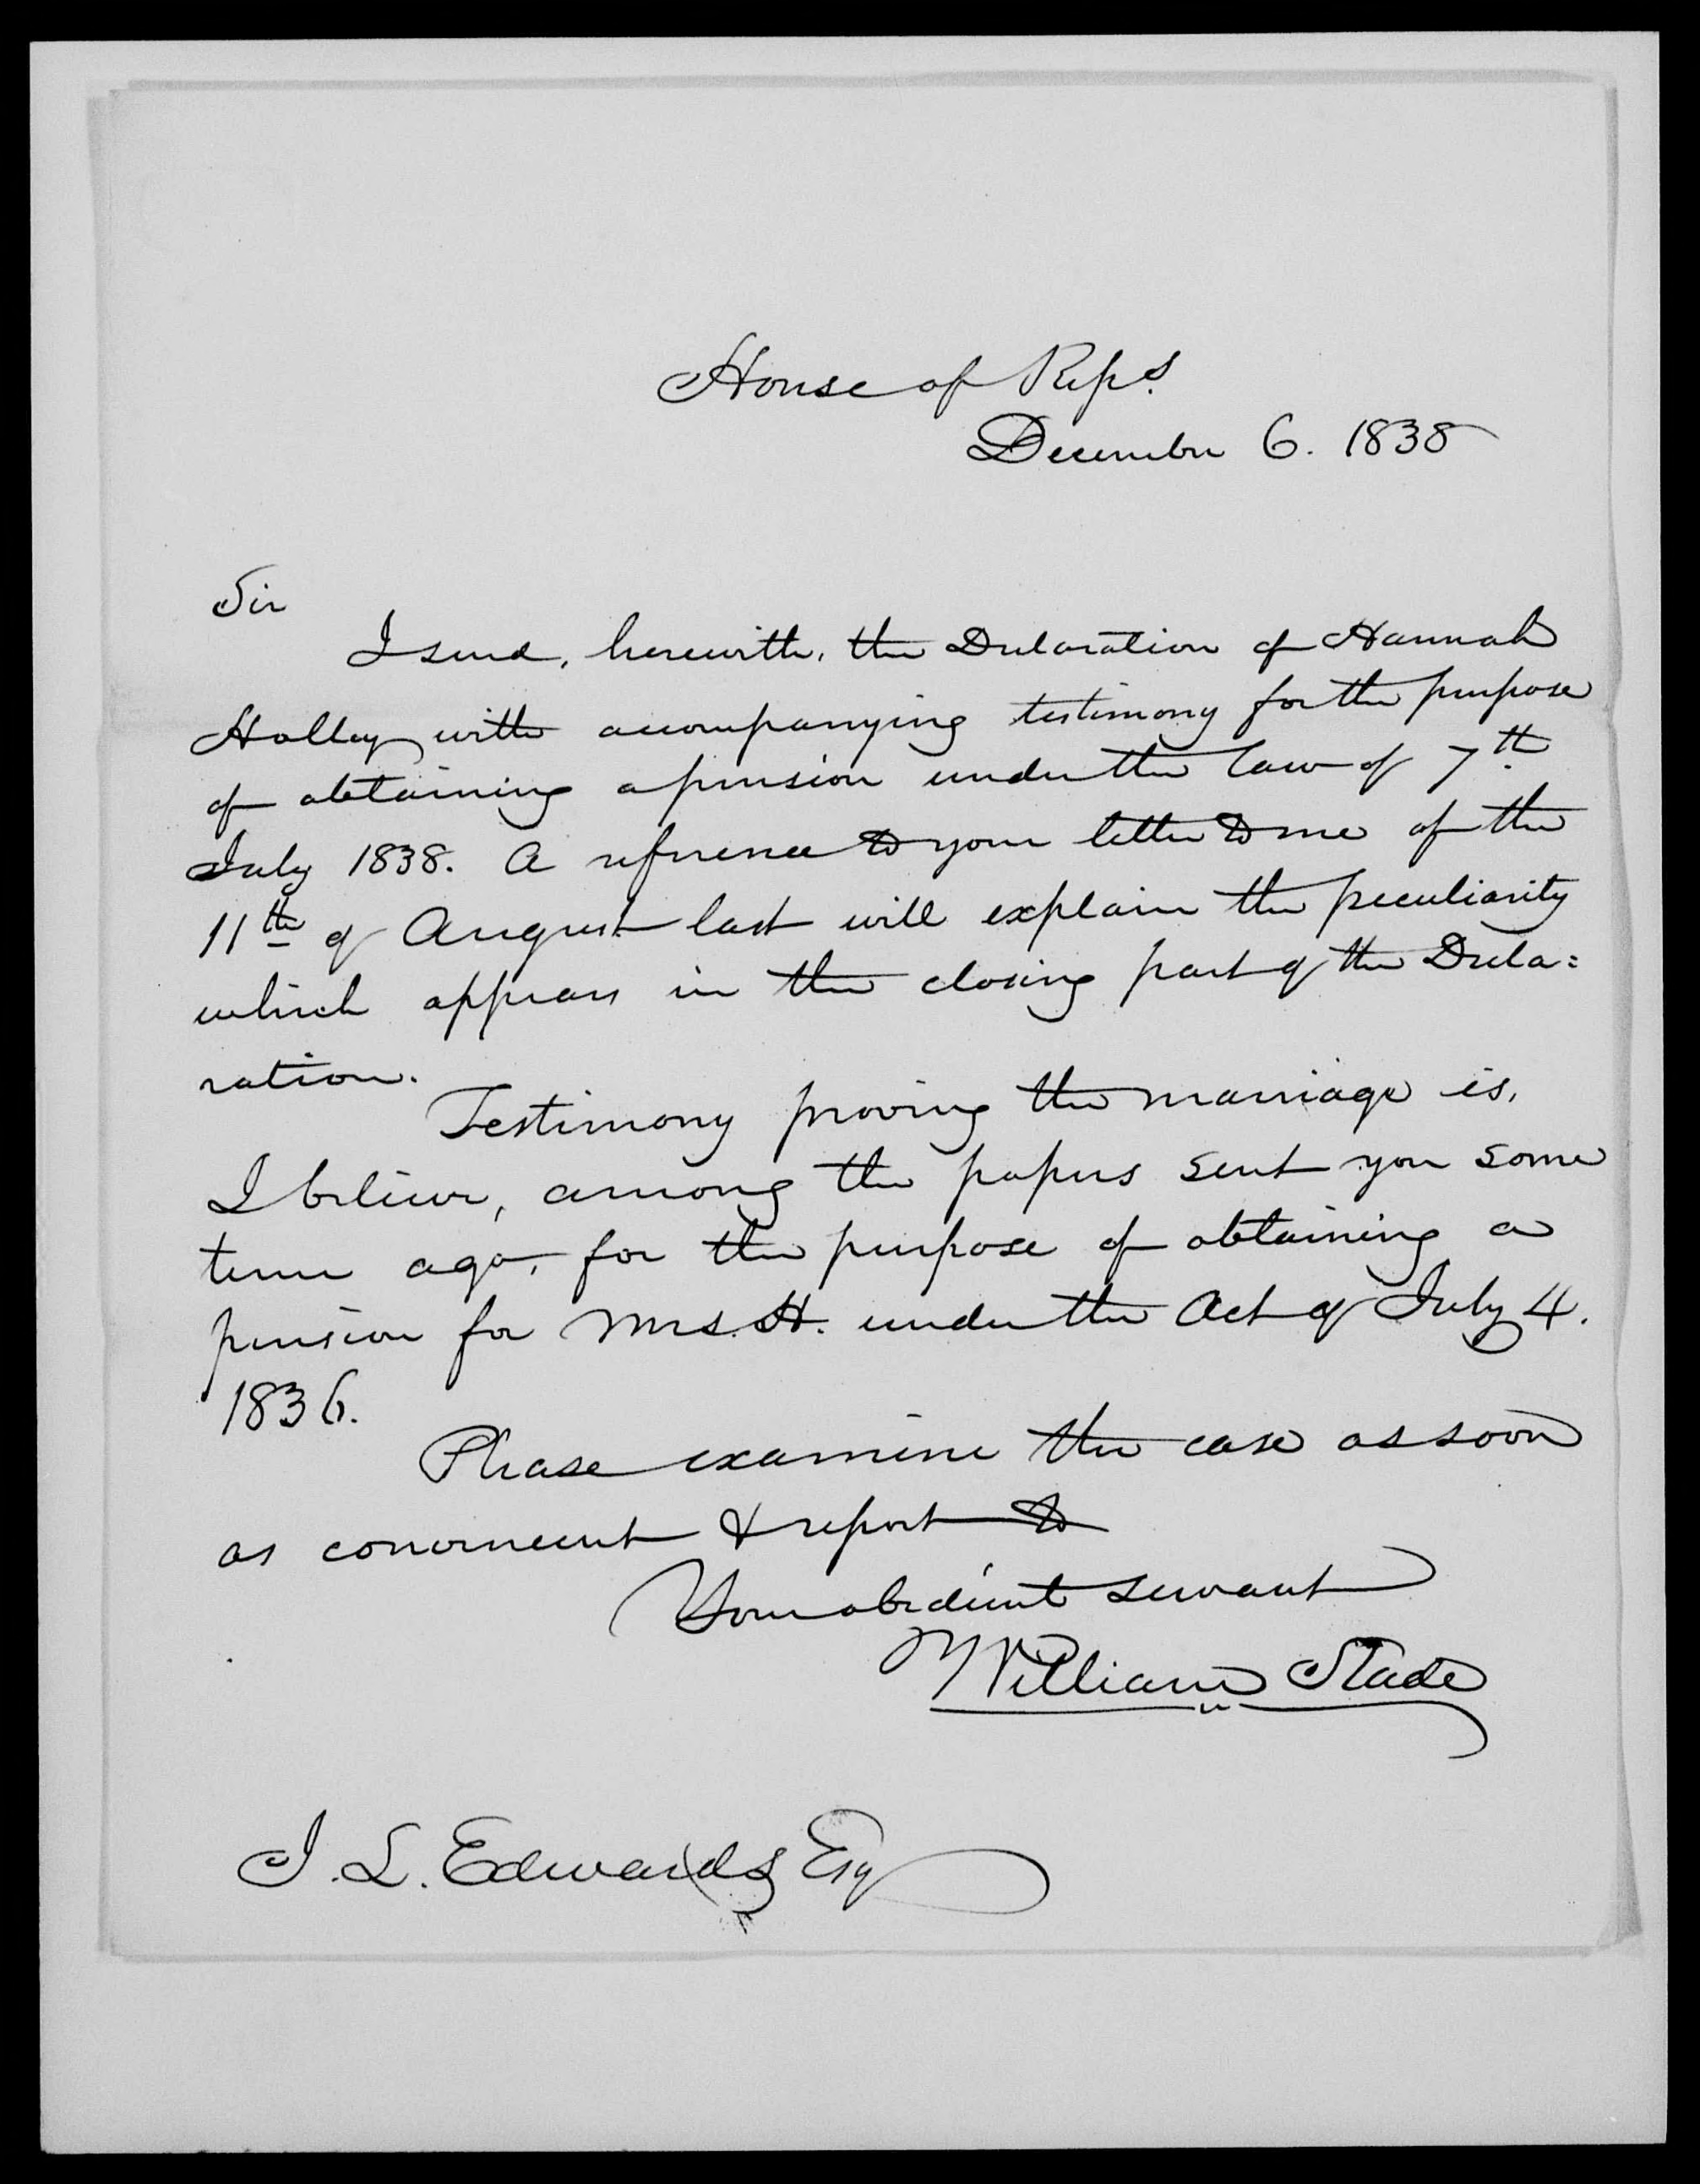House of Reps
December 6. 1838
Sir
I send herewith, the Declaration of Hannah
Holley with accompanying testimony for the purpose
of obtaining a pension under the law of
7th
July 1838. A reference to your letter to me of the
11th of August last will explain the peculiarity
which appears in the closing part of the 
Declaration.
Testimony proving the marriage is,
I believe, among the papers sent you some
time ago, for the purpose of obtaining a
pension for Mrs. H. under the act of July 4.
1836.
Please examine the case as soon
as convenient & report to
Your obedient servant
William Slade
J. L. Edwards Esq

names: William Slade, Hannah Holley, J L Edwards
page: 49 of 62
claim: widow's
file: W. 21391, Robert Holley, Conn.